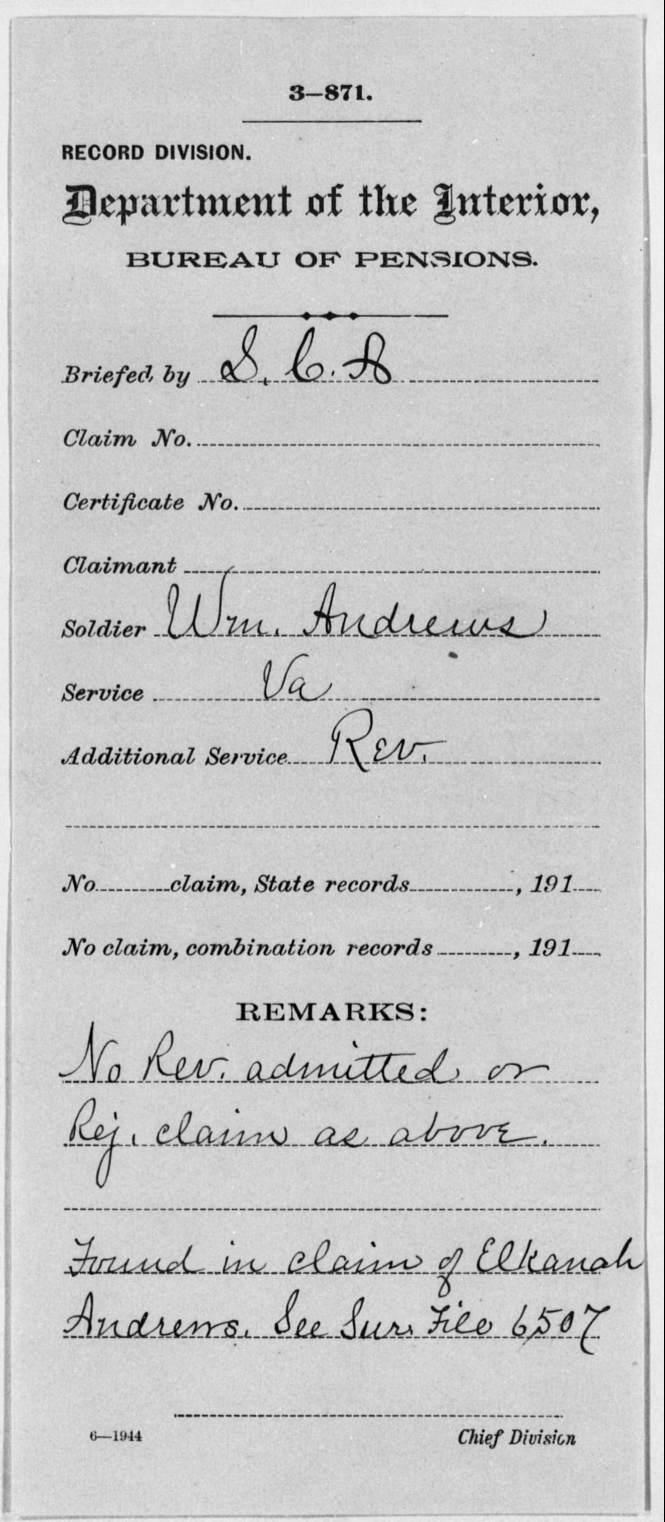3-871.

RECORD DIVISION.
DEPARTMENT OF THE INTERIOR,
BUREAU OF PENSIONS.

Briefed by S. C. A.
Claim No.
Certificate No.
Claimant
Soldier Wm. Andrews
Service Va
Additional Service Rev.
No...claim, State records
No claim, combination records
REMARKS:
No Rev. admitted on Rej. claim as above.
Found in claim of Elkanah Andrews. See Sur. File 6507

6-1944
Chief Division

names: Wm Andrews, Elkanah Andrews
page: 2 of 6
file: [BLANK], William Andrews, Va. Sea Service